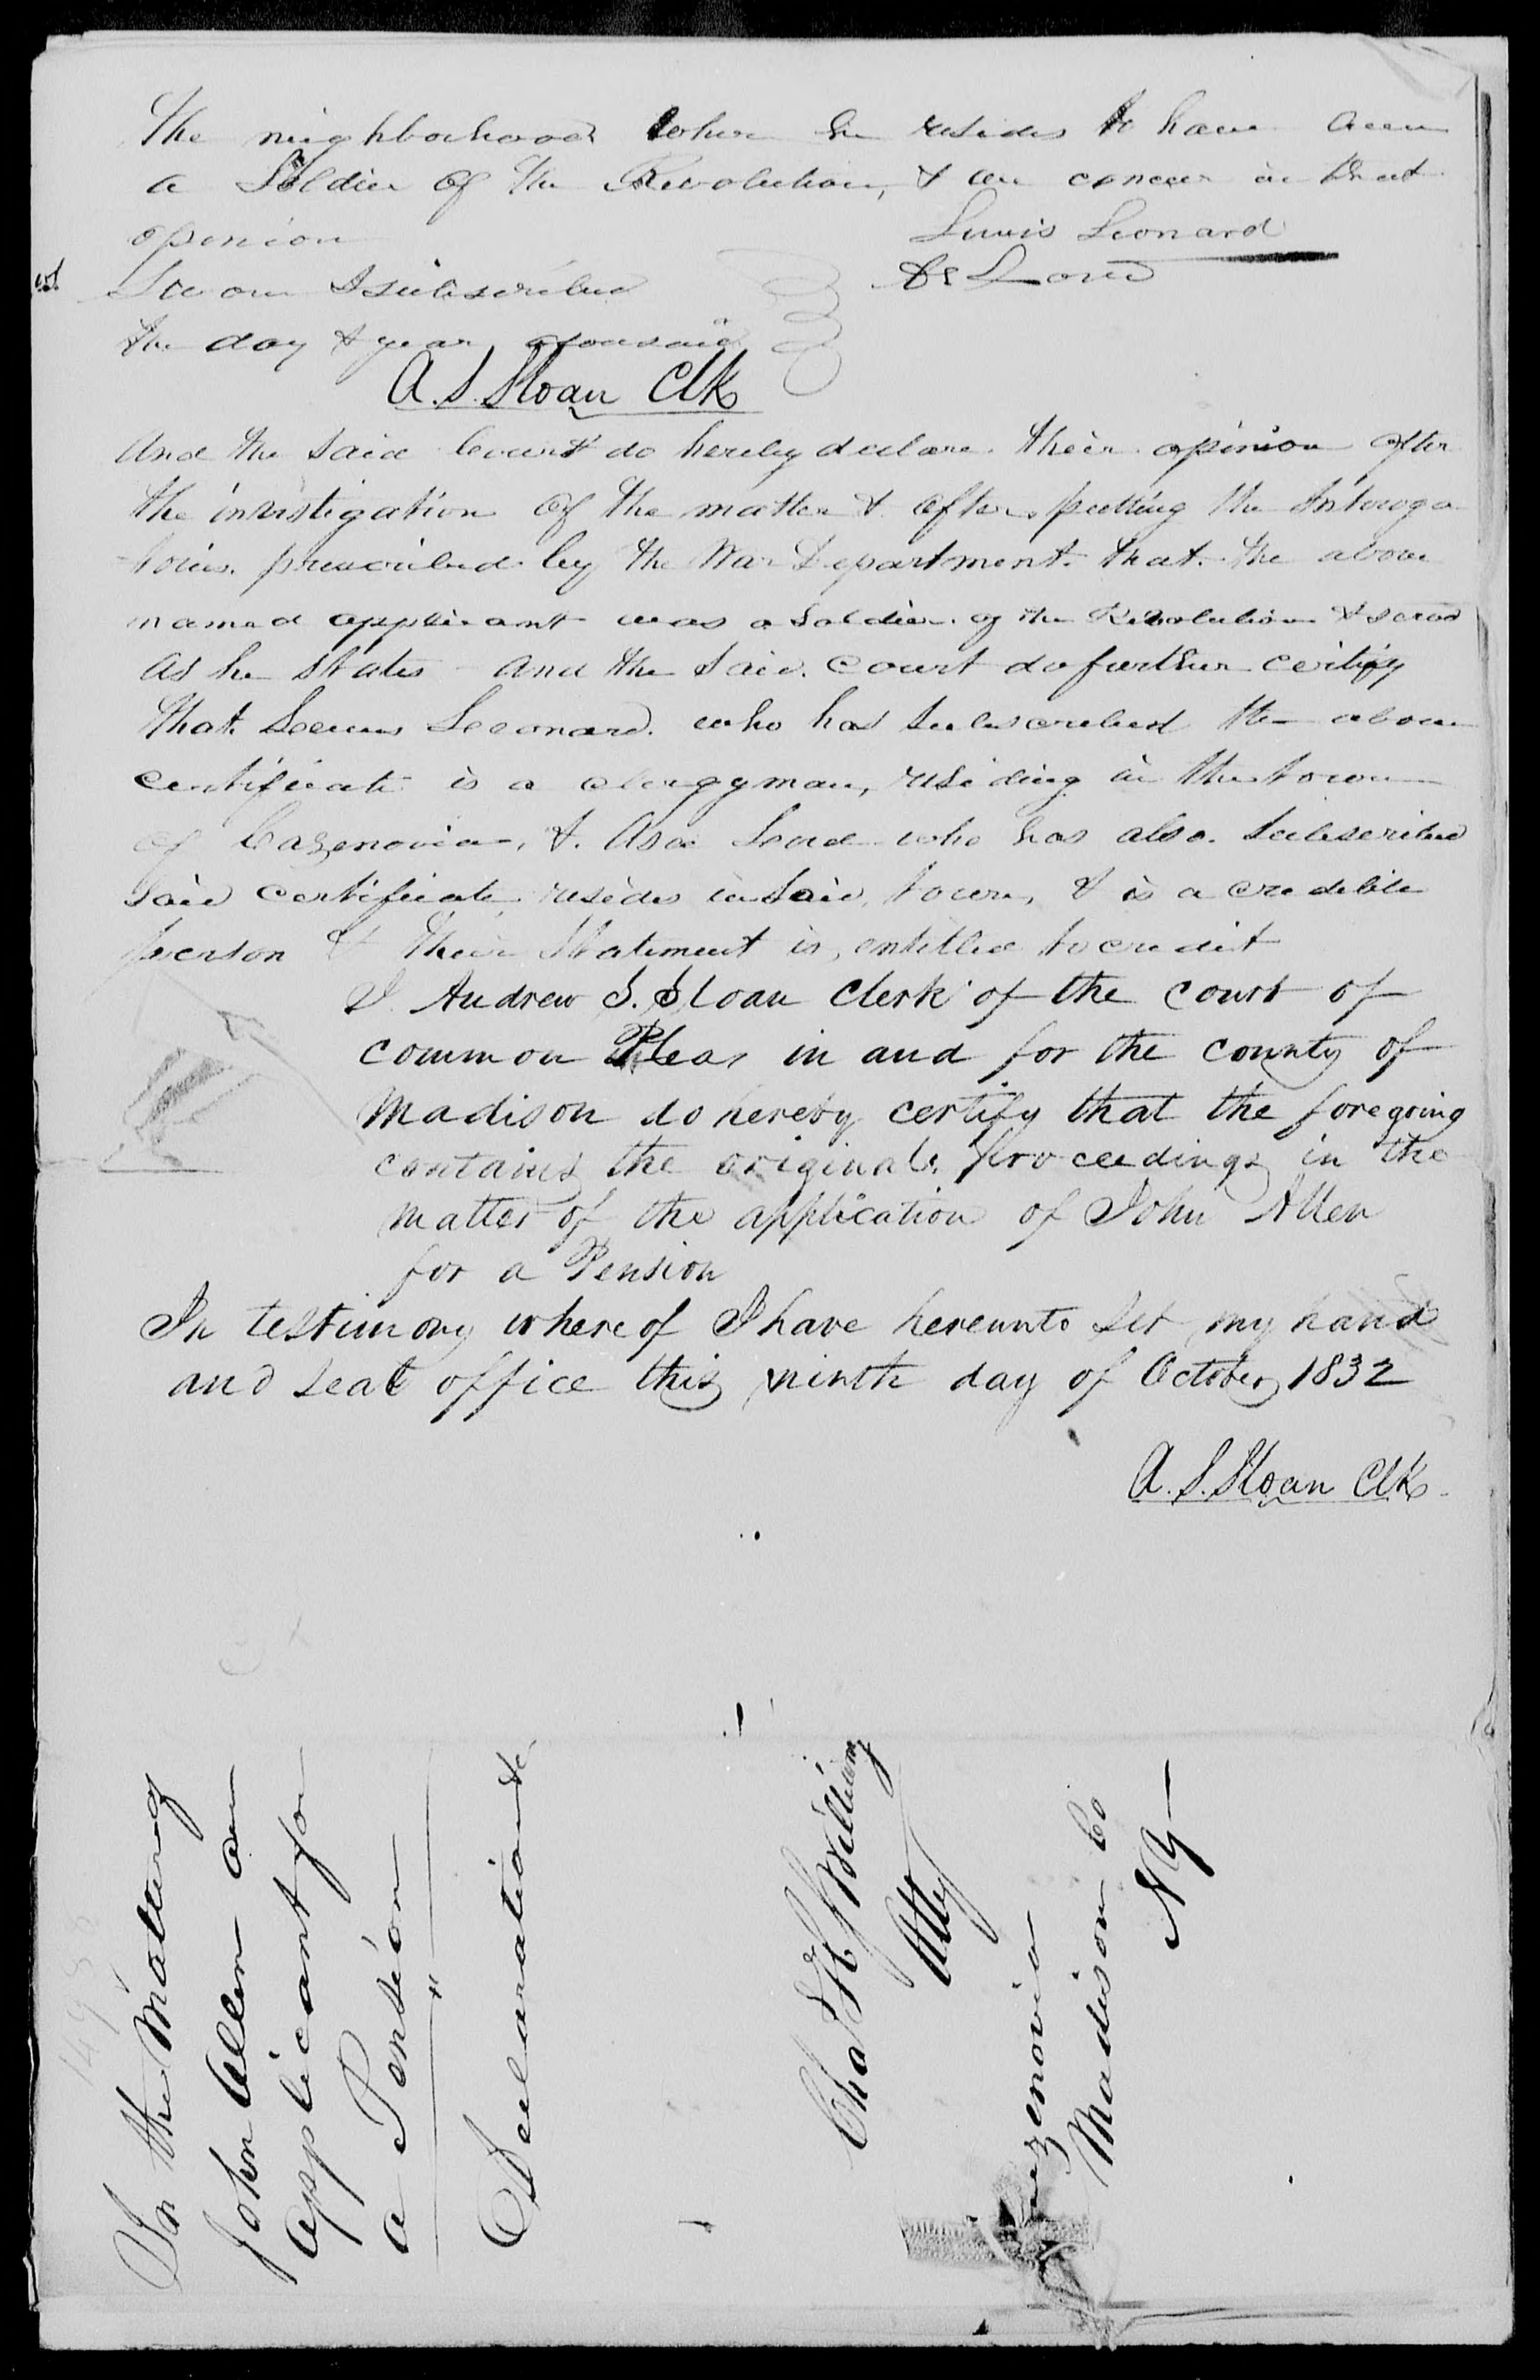The neighborhood where he resides to have a Soldier of the Revolution, & we concur in that opinion
 [signed]
Lewis Leonard
Asa Lord 
Sworn subscribed the day & year aforesaid|
A.S. Sloan Clk [signature]|
And the said Court do hereby declare their opinion after the investigation of the matter & after putting the interrogatories prescribed by the War Department that the above named applicant was a soldier of the Revolution & served as he states and the said court do further certify that Lewis Leonard who has subscribed the above certificate is a clergyman, residing in the town of Cazenovia, & Asa Lord who has also subscribed said certificate resides in said town & is a credible person of their statement is entitled to credit 
I Andrew S. Sloan Clerk of the Court of Common Pleas in and for the County of Madison do hereby certify that the foregoing contains the original proceedings in the matter of the application of John Allen for a Pension 
In testimony whereof I have hereunto set my hand and seal office this ninth day of October 1832 
A. S. Sloan Clk

[Bottom of the page] [rotate clockwise]
In The Matter of
John Allen an application for a Pension 
Declaration 
Chas H. William 
Atty
Cazenovia 
Madison Co
NY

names: Andrew S Sloan, Lewis Leonard, Lewis Leonard, Asa Lord, A S Sloan, John Allen, John Allen, As Lord, A S Sloan, Chas H J Williams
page: 9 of 74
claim: widow's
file: W. 23424, John Allen, Mass. R. I.